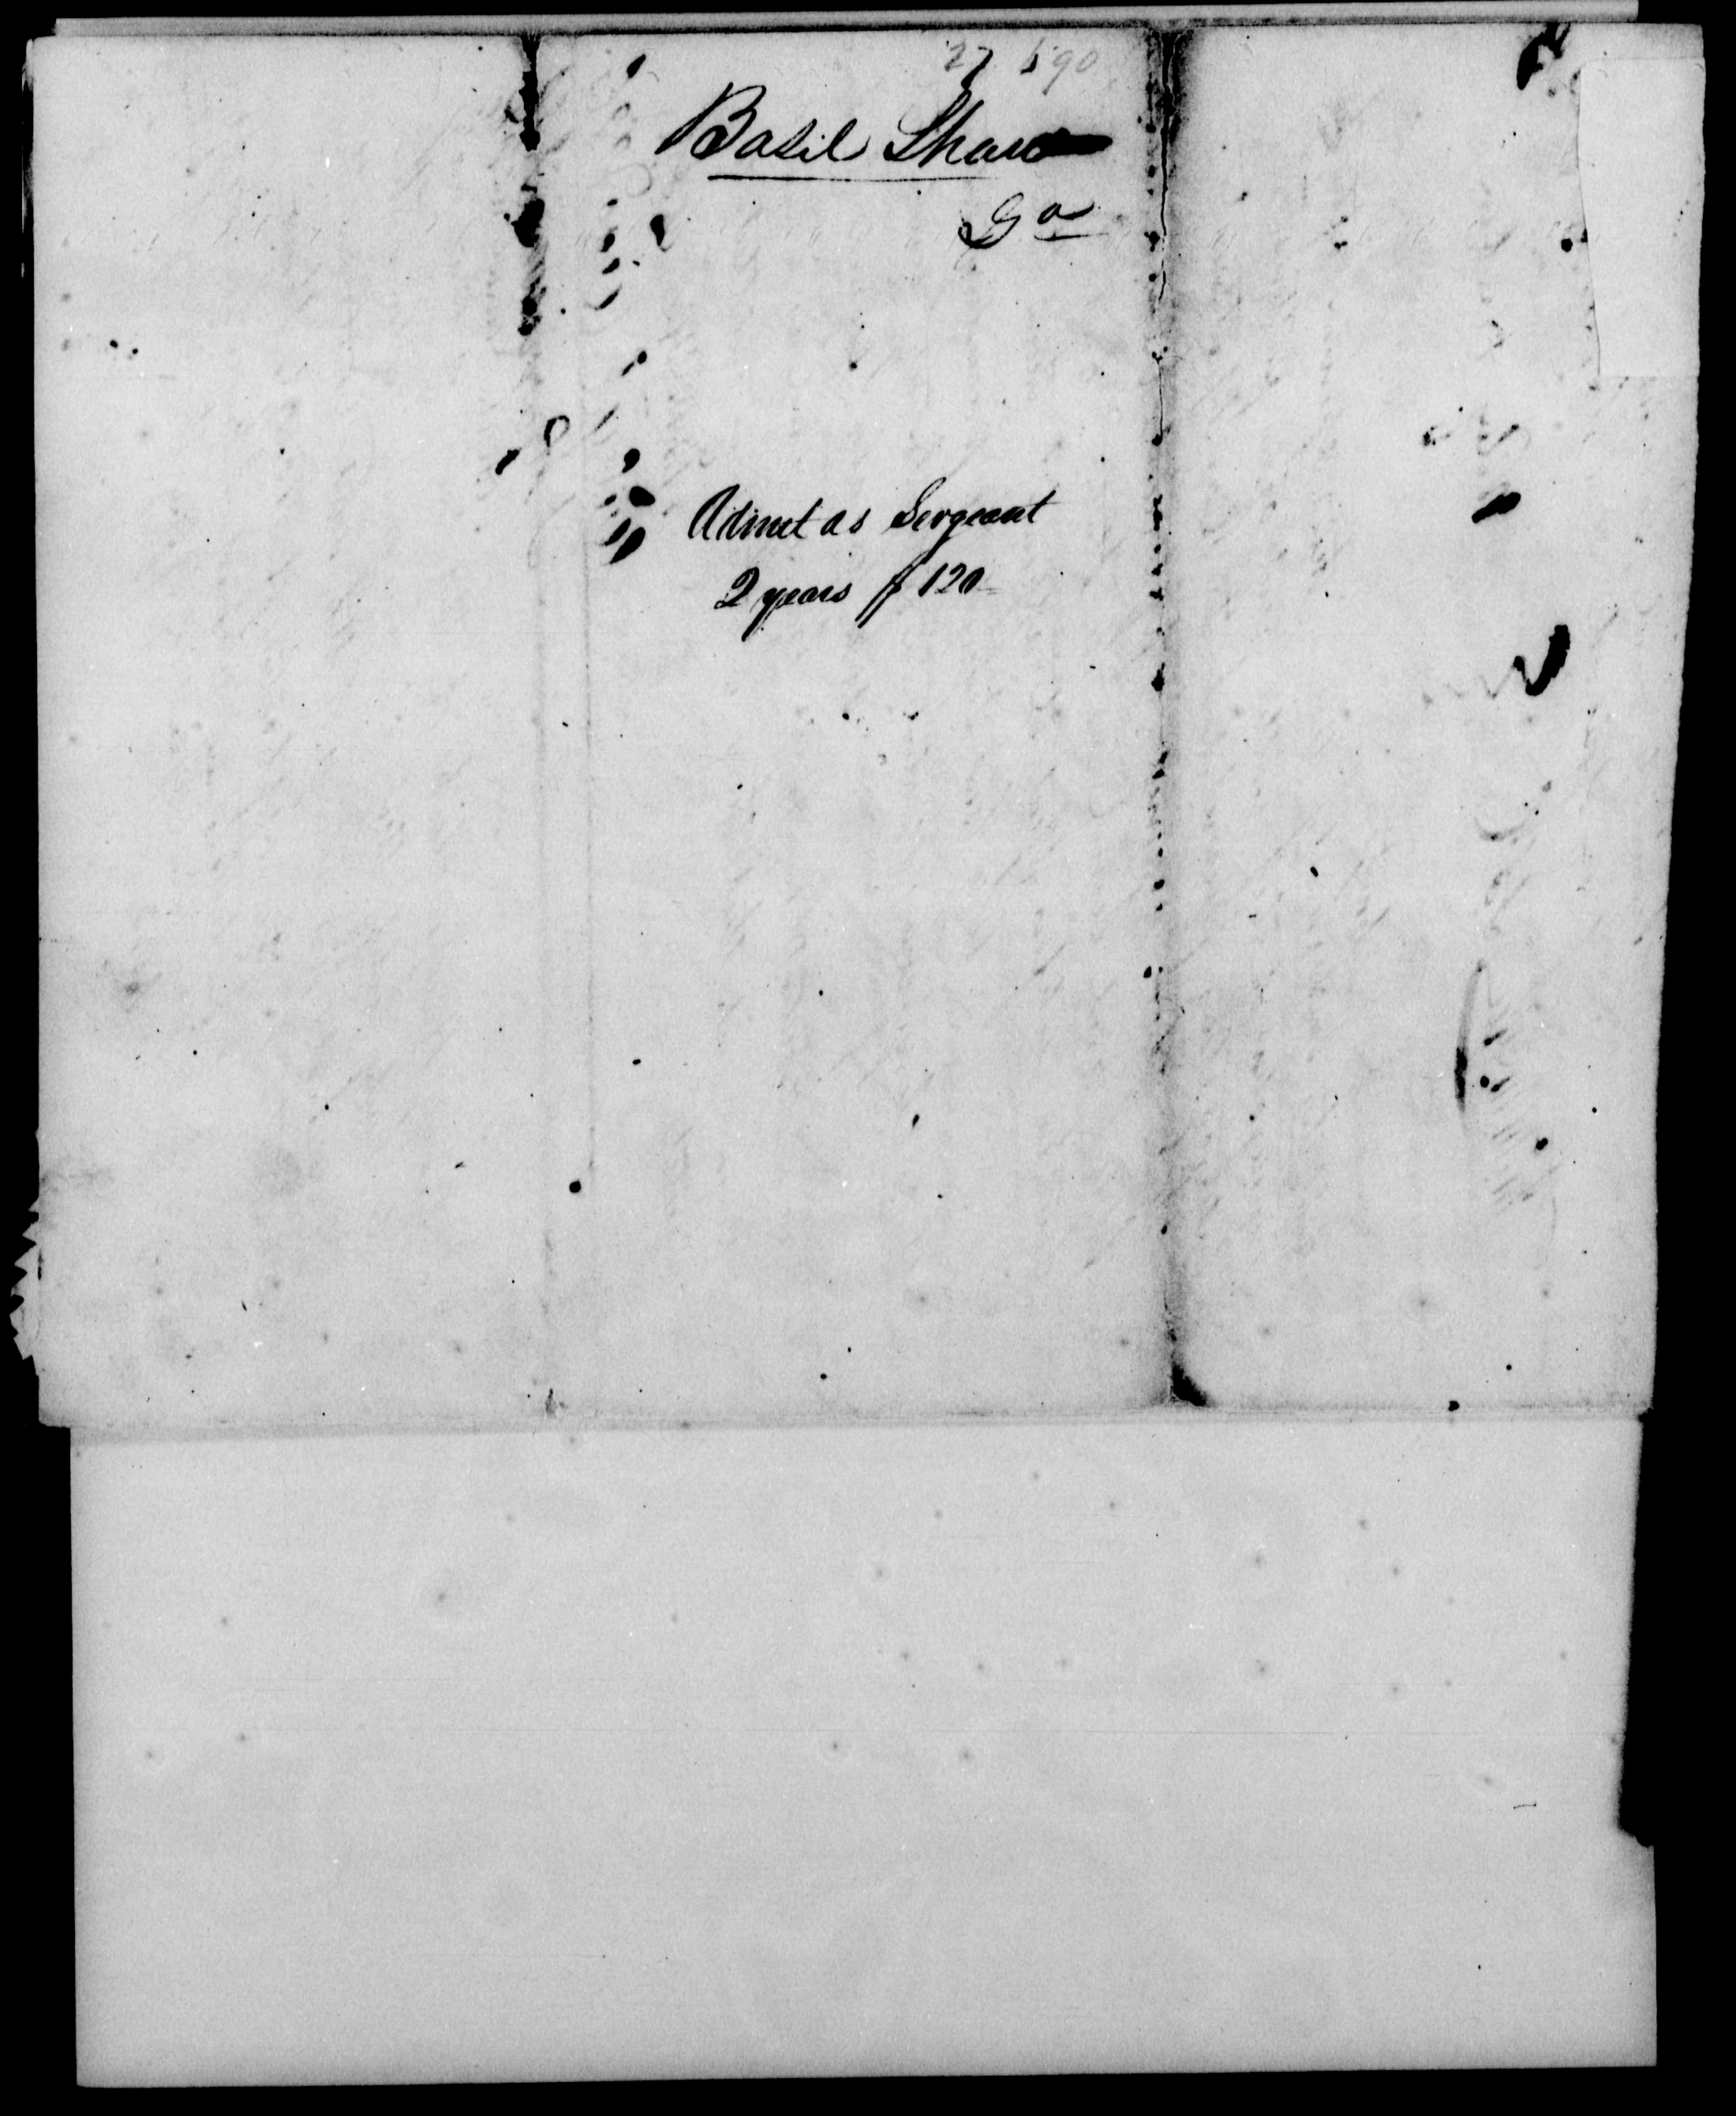27 690
Basil Shaw
Ga
Admit as Sergeant
2 years $120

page: 5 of 32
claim: survivor's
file: S. 16,526, for Basil Shaw, Maryland